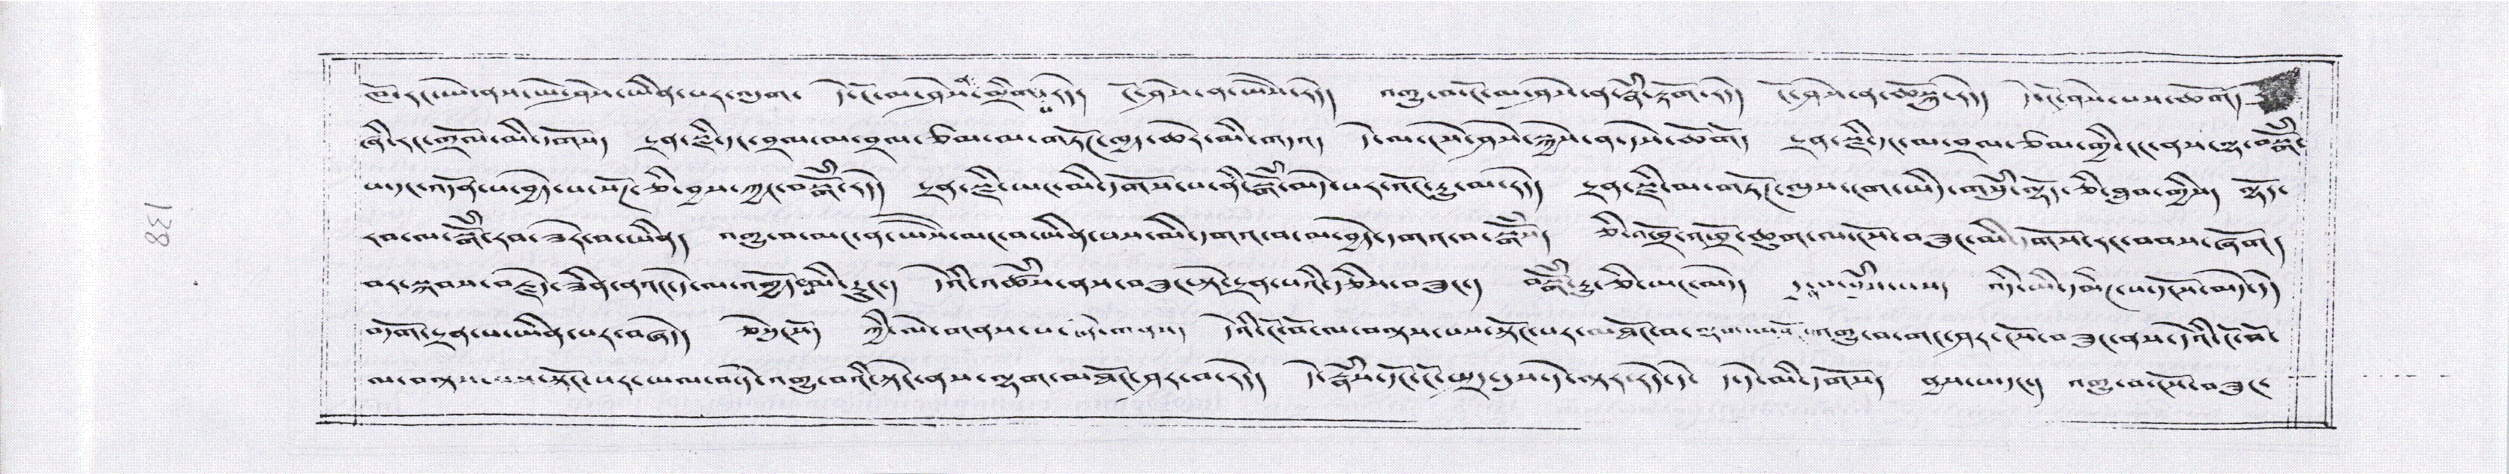ཁོ་རང་ཡེ་ནས་ཡེ་ཤེས་ཡིན་པར་འདུག དེ་ངོ་མ་ཤེས་ན་མ་རིག་པ་རེད། ངོ་ཤེས་ན་ཡེ་ཤེས་རེད། འགྱུ་བ་ངོ་མ་ཤེས་ན་རྣམ་རྟོག་རེད། ངོ་ཤེས་ན་ཆོས་སྐུ་རེད། དེ་ངོ་ཤེས་པས་ཆོག 
རང་ཞི་རང་གྲོལ་མི་དགོས། དྲན་རྫི་དང་བྲལ་མ་བྲལ་ཙམ་མ་གཏོགས་ཁྱད་ཆེར་མི་གདའ། དེ་ལ་ངེས་ཤེས་སྐྱེས་ན་དེས་ཆོག་གོ དྲན་རྫི་དང་མ་བྲལ་ཙམ་གྱི་ངང་ནས་ལྷ་བསྒོམ་
པ་དང་འདོན་པ་བྱེད་པ་སོགས་ཅི་བྱས་ཀྱང་བསྒོམ་རེད། དྲན་རྫི་ཡང་མི་དགོས་པ་ནི་སྒོམ་མེད་པར་འོང་རྒྱུ་མ་རེད། དྲན་རྫི་མ་གཏོགས་ལུས་ངག་ཡིད་གསུམ་ལྷོད་ཅི་ཐུབ་གྱིས། ལྷོད་
རབ་ལ་སྒོམ་རབ་ཟེར་བ་ཡིན། འགྱུ་བ་མང་ན་ཡེ་ཤེས་མང་བ་ཡིན་པས་མི་དགའ་བ་མ་བྱེད་དགའ་བ་བསྒོམ། ཅི་འཕྲོ་འཕྲོ་ཆུག་ལ་ངོས་བཟུང་མི་དགོས་རང་བབས་ཞོག 
བར་སྐབས་བརྗེད་ཟིན་ནའང་དེ་ལ་འགྱོད་མི་རུང་། དེའི་མཚམས་ནས་བཟུང་སྟེ་དྲན་པའི་རྩིས་བཟུང་། བསྒོམ་རྒྱུ་ཅི་ཡང་མེད། རྒྱལ་བ་བྱམས་པས། འདི་ཡི་དམིགས་པ་དངོས་མེད་དེ། 
བདག་པོ་དྲན་པ་ཡིན་པར་བཞེད། ཅེས་གསུངས་སོ། ཀྱི་ལེ་གནས་པ་ཞི་གནས། དེའི་ངོ་བོ་ལ་བལྟས་པས་སྟོང་པར་མཐོང་བ་ལྷག་མཐོང་། འགྱུ་བ་གང་ཤར་ངོས་བཟུང་ནས་དེའི་ངོ་བོ་
བལྟས་པས་སྟོང་པར་ཡལ་བ་དེ་འགྱུ་བའི་སྟེང་ནས་ལྷག་མཐོང་ཤར་བ་རེད། དེ་རྣམས་དང་པོ་ངོ་སྤྲད་དུས་དེ་ལྟར་རེད་དེ། ད་དེ་མི་དགོས། གནས་པ་དང་འགྱུ་བ་ངོས་བཟུང་